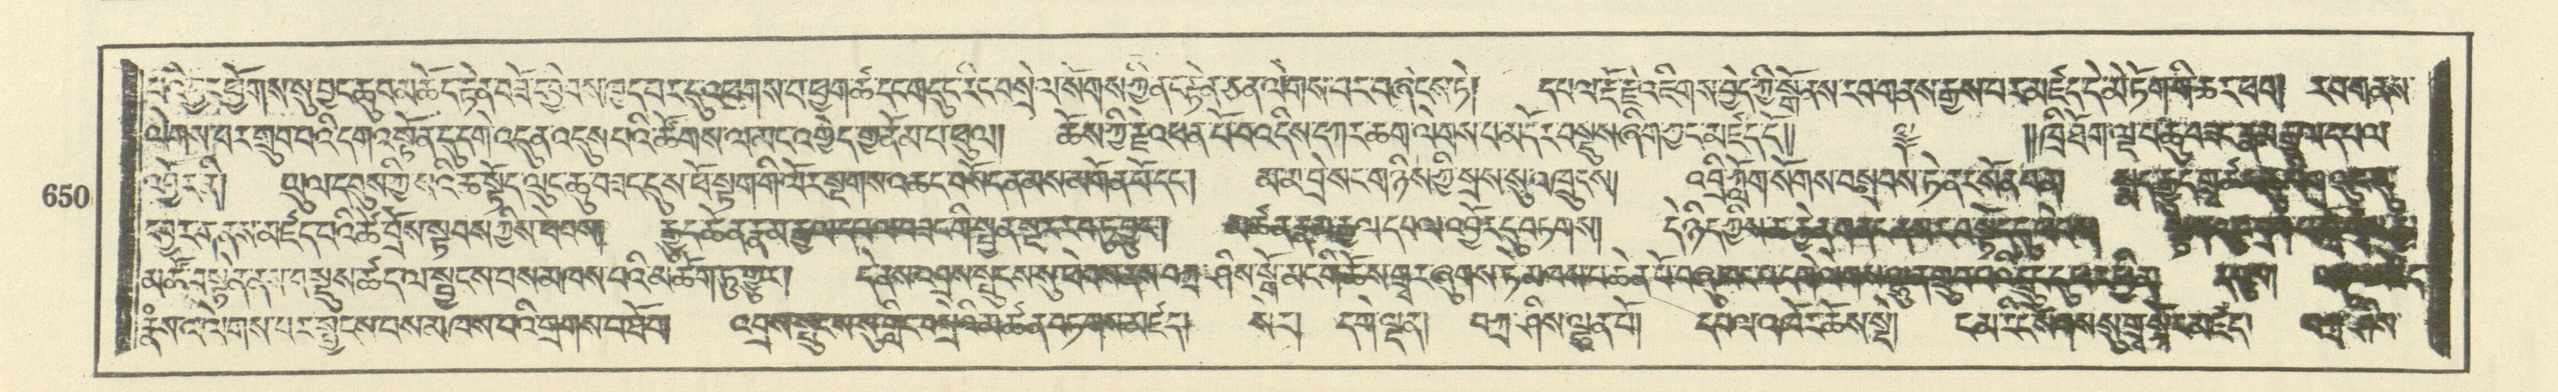པའི་བྱང་ཕྱོགས་སུ་བྱང་ཆུབ་མཆོད་རྟེན་བཟོ་དབྱིབས་ཁྱད་པར་དུ་འཕགས་པ་ཕྱག་ཚ་དང་གདུང་རིང་བསྲེལ་སོགས་ཀྱི་ནང་རྟེན་ཅན་ལེགས་པར་བཞེངས་ཏེ། དཔལ་རྡོ་རྗེ་འཇིགས་བྱེད་ཀྱི་སྒོ་ནས་རབ་གནས་རྒྱས་པར་མཛད་དེ་མེ་ཏོག་གི་ཆར་ཕབ། རབ་གནས་
ལེགས་པར་གྲུབ་པའི་དགའ་སྟོན་དུ་དགེ་འདུན་འདུས་པའི་ཚོགས་ལ་མང་འགྱེད་གྱ་ནོམ་པ་ཕུལ། ཆོས་ཀྱི་རྗེ་འཕན་པོ་བ་འདིས་དཀར་ཆག་ལེགས་པ་མདོར་བསྡུས་ཞིག་ཀྱང་མཛད་དོ།། ༈ །།ཁྲི་ཐོག་ལྔ་པ་ཆུ་བཟང་རྣམ་རྒྱལ་དཔལ་
འབྱོར་ནི། ཡུལ་དབུས་ཀྱི་སའི་ཆ་སྟོད་ལུང་ཆུ་བཟང་དུས་ཕོ་སྟག་གི་ལོར་སྔགས་འཆང་བསོད་ནམས་མགོན་པོ་དང་། མ་མ་བྲེ་སང་གཉིས་ཀྱི་སྲས་སུ་འཁྲུངས། འབྲི་ཀློག་སོགས་བསླབས་ཏེ་ནར་སོན་བ་ན། སྨད་རྒྱུད་གྲྭ་ཚང་ཆུ་མིག་ལུང་དུ་
དབྱར་གནས་མཛད་པའི་ཚེ་བྲོས་སྟབས་ཀྱིས་ཕེབས། རྒྱུད་ཆེན་རྣམ་རྒྱལ་དཔལ་བཟང་གི་སྤྱན་སྔར་རབ་ཏུ་བྱུང་། མཚན་རྣམ་རྒྱལ་དཔལ་འབྱོར་དུ་བཏགས། དེ་ཉིད་ཀྱིས་ཆ་རྐྱེན་གནང་ནས་རབ་སྟོད་དུ་ཕེབས། སྟག་ལུང་བྲག་པ་བློ་གྲོས་རྒྱ་
མཚོ་བསྟེན་ནས་བསྡུས་ཚད་ལ་སྦྱངས་པས་མཁས་པའི་མཆོག་ཏུ་གྱུར། དེ་ནས་འབྲས་སྤུངས་སུ་ཕེབས་ནས་བཀྲ་ཤིས་སྒོ་མང་གི་ཆོས་གྲྭར་ཞུགས་ཏེ་མཁས་པ་ཆེན་པོ་བཞུ་ཁང་པ་དགེ་ལེགས་ལྷུན་གྲུབ་པའི་དྲུང་དུ་ཕར་ཕྱིན། དབུ་མ། འདུལ་མཛོད་
རྣཾས་ལ་ལེགས་པར་སྦྱངས་པས་མཁས་པའི་གྲགས་པ་ཐོབ། འབྲས་སྤུངས་སུ་གླིང་བསྲེའི་མཚན་བཏགས་མཛད། སེ་ར། དགེ་ལྡན། བཀྲ་ཤིས་ལྷུན་པོ། དཔལ་འཁོར་ཆོས་སྡེ། ངམ་རིང་སོགས་སུ་གྲྭ་སྐོར་མཛད། བཀྲ་ཤིས་